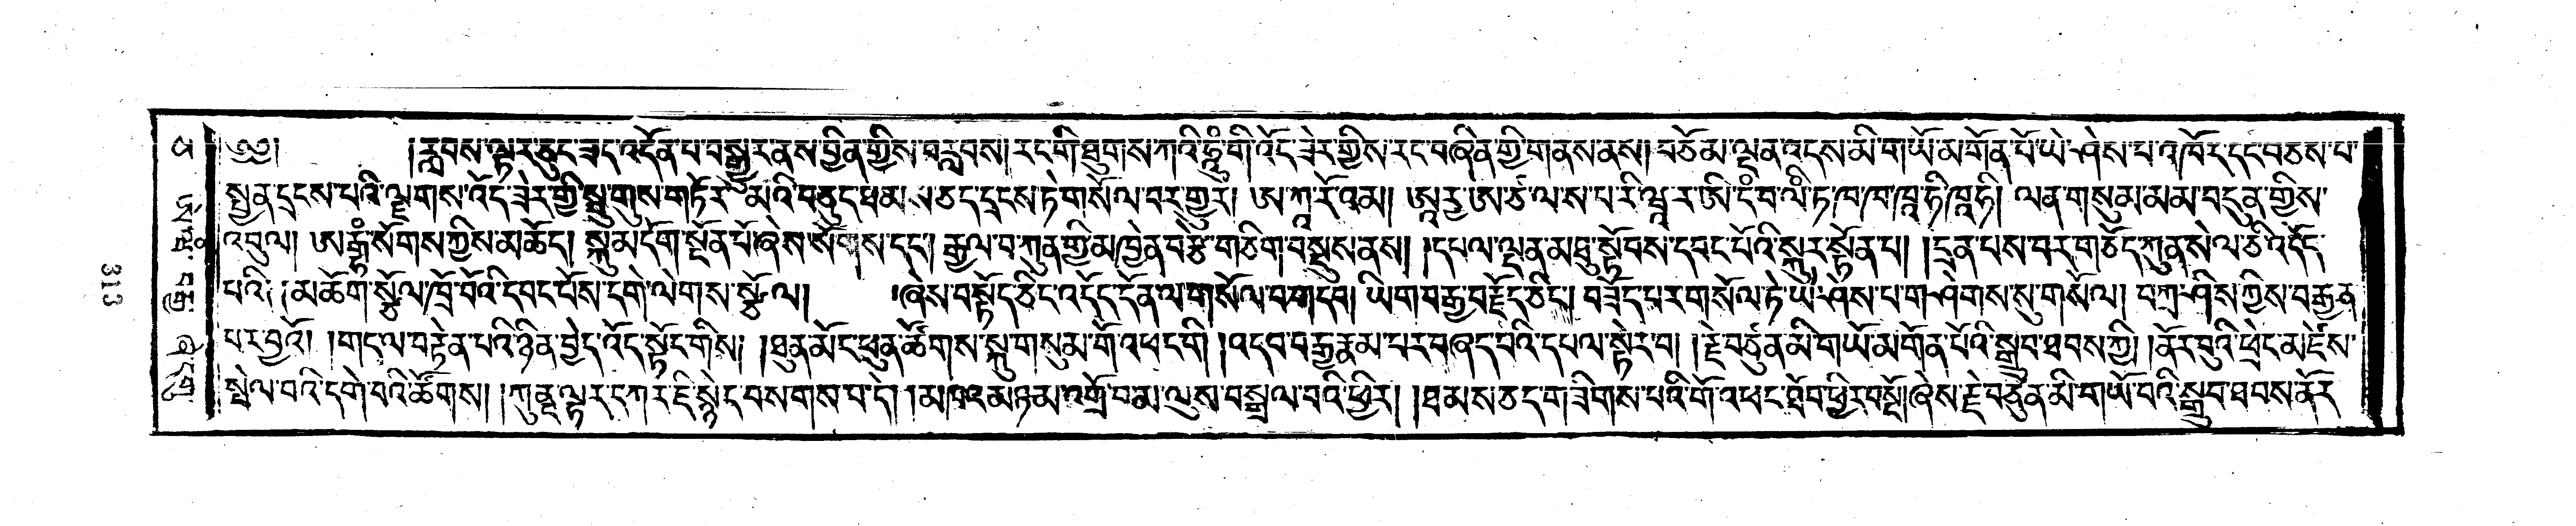༄༅། །རླབས་ལྟར་ཅུང་ཟད་འདོན་པ་བསྒྱུར་ནས་བྱིན་གྱིས་བརླབས། རང་གི་ཐུགས་ཀའི་ཧཱུཾ་གི་འོད་ཟེར་གྱིས་རང་བཞིན་གྱི་གནས་ནས། བཅོམ་ལྡན་འདས་མི་གཡོ་མགོན་པོ་ཡེ་ཤེས་པ་འཁོར་དང་བཅས་པ་
སྤྱན་དྲངས་པའི་ལྗགས་འོད་ཟེར་གྱི་སྦུ་གུས་གཏོར་མའི་བཅུད་ཐམས་ཅད་དྲངས་ཏེ་གསོལ་བར་གྱུར། ཨ་ཀཱ་རོ་འམ། ཨཱརྱ་ཨ་ཙ་ལ་ས་པ་རི་ཝཱ་ར་ཨི་དཾ་བ་ལིཾ་ཏ་ཁ་ཁ་ཁཱ་ཧི་ཁཱ་ཧི། ལན་གསུམ་མམ་བདུན་གྱིས་
འབུལ། ཨརྒྷཾ་སོགས་ཀྱིས་མཆོད། སྐུ་མདོག་སྔོན་པོ་ཞེས་སོགས་དང་། རྒྱལ་བ་ཀུན་གྱི་མཁྱེན་བརྩེ་གཅིག་བསྡུས་ནས། །དཔལ་ལྡན་མཐུ་སྟོབས་དབང་པོའི་སྐུར་སྟོན་པ། །དྲན་པས་བར་གཅོད་ཀུན་སེལ་ཅི་འདོད་
པའི། །མཆོག་སྩོལ་ཁྲོ་བོའི་དབང་པོས་དགེ་ལེགས་སྩོལ། །ཞེས་བསྟོད་ཅིང་འདོད་དོན་ལ་གསོལ་བ་གདབ། ཡིག་བརྒྱ་བརྗོད་ཅིང་། བཟོད་པར་གསོལ་ཏེ་ཡེ་ཤེས་པ་གཤེགས་སུ་གསོལ། བཀྲ་ཤིས་ཀྱིས་བརྒྱན་
པར་བྱའོ། །གང་ལ་བརྟེན་པའི་ཉིན་བྱེད་འོད་སྟོང་གིས། །ཐུན་མོང་ཕུན་ཚོགས་སྐུ་གསུམ་གོ་འཕང་གི །འདབ་བརྒྱ་རྣམ་པར་བཞད་པའི་དཔལ་སྟེར་བ། །རྗེ་བཙུན་མི་གཡོ་མགོན་པོའི་སྒྲུབ་ཐབས་ཀྱི། །ནོར་བུའི་ཕྲེང་མཛེས་
སྤེལ་བའི་དགེ་བའི་ཚོགས། །ཀུནྡ་ལྟར་དཀར་ཇི་སྙེད་བསགས་པ་དེ། །མཁའ་མཉམ་འགྲོ་བ་མ་ལུས་བསྒྲལ་བའི་ཕྱིར། །ཐམས་ཅད་གཟིགས་པའི་གོ་འཕང་ཐོབ་ཕྱིར་བསྔོ། ཞེས་རྗེ་བཙུན་མི་གཡོ་བའི་སྒྲུབ་ཐབས་ནོར་